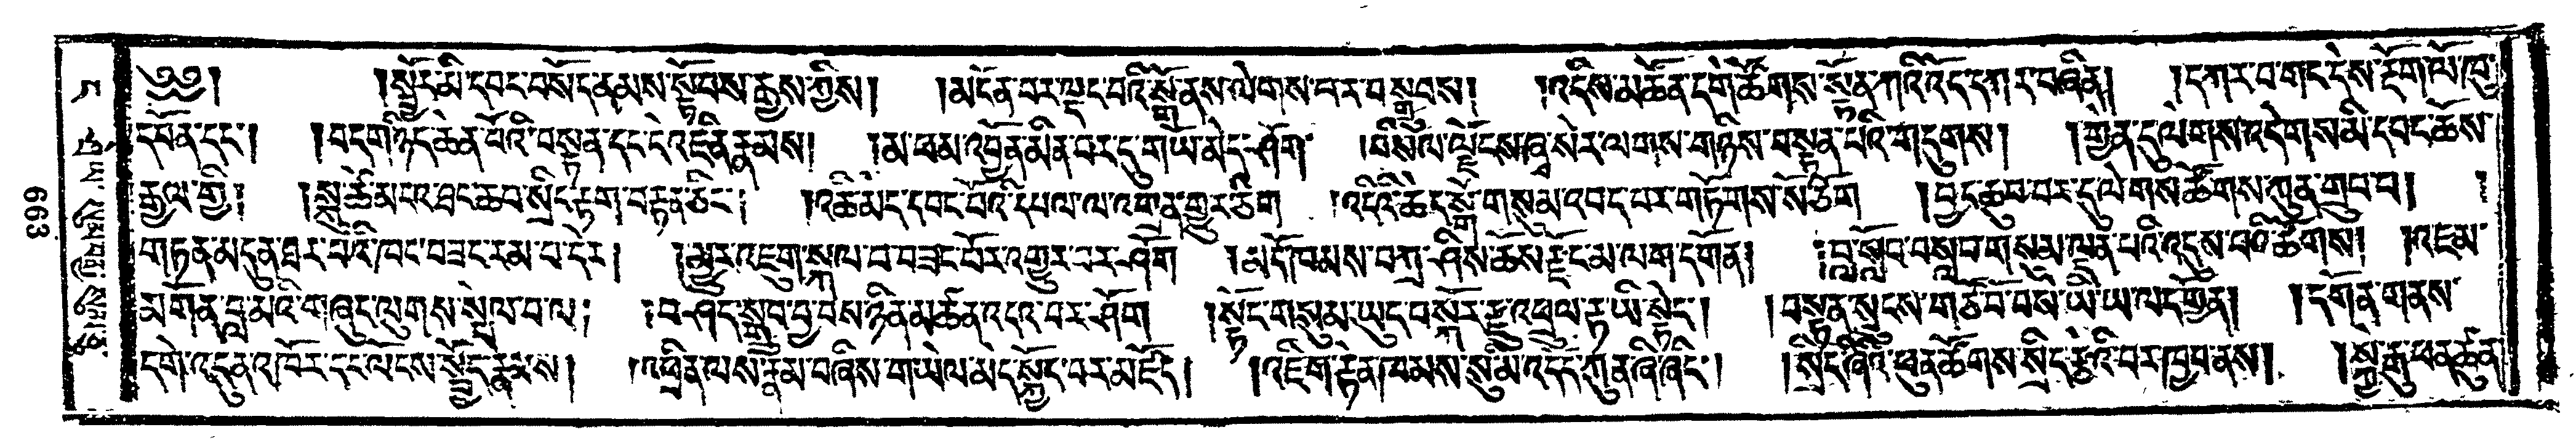༄༅། །སྦྱོར་མི་དབང་བསོད་ནམས་སྟོབས་རྒྱས་ཀྱིས། །མངོན་པར་ལྡང་པའི་སྒོ་ནས་ལེགས་བར་བསྒྲུབས། །འདིས་མཆོན་དགེ་ཚོགས་སྟོན་ཀའི་འོད་དཀར་བཞིན། །དཀར་བ་གང་དེས་རྡོག་ལོ་ཁུ་
དཔོན་དང་། །བདག་ཉིད་ཆེན་པོའི་བསྟན་དང་ངེ་འཛིན་རྣམས། །མ་ཕམ་འབྱོན་མིན་བར་དུ་གཡོ་མེད་ཤོག །བསིལ་ལྗོངས་ཞྭ་སེར་ལགས་གཉིས་བསྟན་པའི་གདུགས། །གྱེན་དུ་ལེགས་འདེགས་མི་དབང་ཆོས་
རྒྱལ་གྱི། །སྐུ་ཚེ་མངའ་ཐང་ཆབ་སྲིང་རྟག་བརྟན་ཅིང་། །འཆི་མེད་དབང་པོའི་དཔལ་ལ་འགྲན་གྱུར་ཅིག །འདིའི་ཆེད་སྒོ་གསུམ་འབད་པར་གཏོགས་སོ་ཅོག །བྱང་ཆུབ་བར་དུ་ལེགས་ཚོགས་ཀུན་གྲུབ་པ། །
གཏན་མདུན་ཐར་པའི་ཁང་བཟང་རམ་པ་དེར། །མྱུར་འཇུག་སྐལ་བ་བཟང་པོར་འགྱུར་བར་ཤོག །མདོ་ཁམས་བཀྲ་ཤིས་ཆོས་རྫོང་མ་ལག་དགོན། །བླ་སློབ་བསླབ་གསུམ་ལྡན་པའི་འདུས་པའི་ཚོགས། །འཇམ་
མགོན་བླ་མའི་གཞུང་ལུགས་སྤེལ་བ་ལ། །བཤད་སྒྲུབ་བྱ་བས་ཉིན་མཚན་འདའ་བར་ཤོག །སྟོང་གསུམ་ཡུད་བསྐོར་རྫུ་འཕྲུལ་རྟ་ཡི་སྟེང་། །བསྟན་སྲུངས་གཙོ་བོ་བས་ཡི་ཡ་ལ་དགྱོན། །དགོན་གནས་
དགེ་འདུན་འཁོར་དང་ལོངས་སྦྱོད་རྣམས། །འཕྲིན་ལས་རྣམ་བཞིས་གཡེལ་མེད་སྐྱོང་བར་མཛོད། །འཇིག་རྟེན་ཁམས་སུ་མི་འདོད་ཀུན་ཞི་ཞིང་། །སྲིད་ཞིའི་ཕུན་ཚོགས་སྲིད་རྩེའི་བར་ཁྱབ་ནས། །སྐྱེ་རྒུ་ཕན་ཚུན་